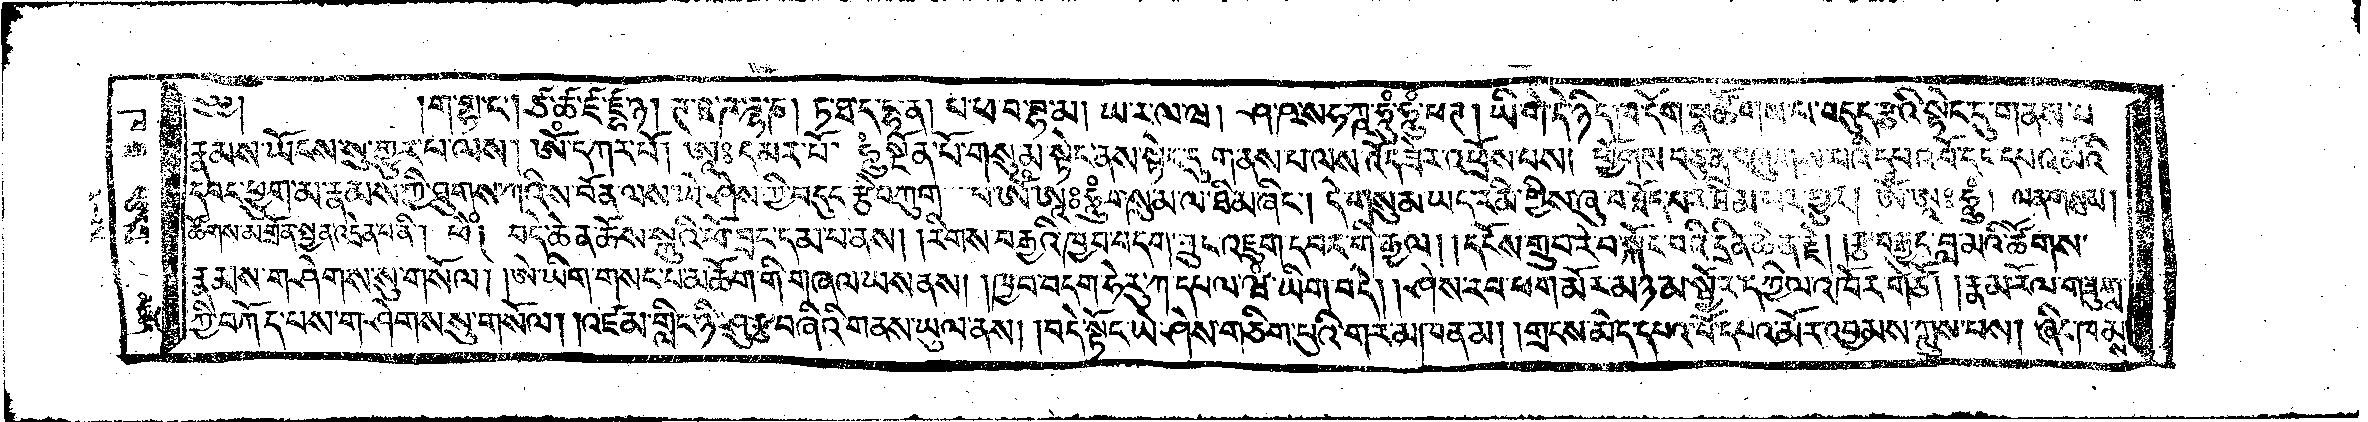༄༅། །ག་གྷ་ང་། ཙ་ཚ་ཛ་ཛྷ་ཉ། ཊ་ཊཿཨ་ཌ་ཌཿཨ་ཎ། ཏ་ཐ་ད་དྷ་ན། པ་ཕ་བ་བྷ་མ། ཡ་ར་ལ་ཝ། ཤ་ཥ་སཧ་ཀཥ་ཧཱུཾ་ཧཱུཾ་ཕཊ། ཡི་གེ་དེ་ཉིད་ཁ་དོག་སྣ་ཚོགས་པ་བདུད་རྩཱི་སྟེང་དུ་གནས་པ་
རྣམས་ཡོངས་སུ་གྱུར་པ་ལས། ཨོཾ་དཀར་པོ། ཨཱཿ དཀར་པོ། ཨཱཿ དམར་པོ། ཧཱུཾ་སྔོན་པོ་གསུམ་སྟེང་ནས་སྟེང་དུ་གནས་པ་ལས་འོད་ཟེར་འཕྲོས་པས། ཕྱོགས་བཅུ་ན་བཞུགས་པའི་དཔའ་བོ་དང་དཔའ་མོའི་
དབང་ཕྱུག་མ་རྣམས་ཀྱི་ཐུགས་ཀའི་ས་བོན་ལས་ཡེ་ཤེས་ཀྱི་བདུད་རྩི་བཀུག་པ་ཨོཾ་ཨཱཿ ཧཱུཾ་གསུམ་ལ་ཐིམ་ཞིང་། དེ་གསུམ་ཡང་རིམ་གྱིས་ཞུ་བ་ཐོད་པར་ཐིམ་པར་གྱུར། ཨོཾ་ཨཱཿ ཧཱུཾ། ལན་གསུམ།
ཚོགས་མགྲོན་སྤྱན་འདྲེན་པ་ནི། ཕཻཾ། བདེ་ཆེན་ཆོས་སྐུའི་ཕོ་བྲང་དམ་པ་ནས། །རིགས་བརྒྱའི་ཁྱབ་བདག་ཟུང་འཇུག་དབང་གི་རྒྱལ། །དངོས་གྲུབ་རེ་བ་སྐོང་བའི་དྲིན་ཆེན་རྗེ། །རྩ་བརྒྱུད་བླ་མའི་ཚོགས་
རྣམས་གཤེགས་སུ་གསོལ། །ཨེ་ཡིག་གསང་པ་མཆོག་གི་གཞལ་ཡས་ནས། །ཁྱབ་བདག་ཧེརུ་ཀ་དཔལ་ཝཾ་ཡིག་བདེ། །ཤེས་རབ་ཕག་མོར་མཉམ་སྦྱོར་དཀྱིལ་འཁོར་གཙོ། །རྣམ་རོལ་གཟུགས་
ཀྱི་བཀོད་པས་གཤེགས་སུ་གསོལ། །འཛམ་གླིང་ཉི་ཤུ་རྩ་བཞིའི་གནས་ཡུལ་ནས། །བདེ་སྟོང་ཡེ་ཤེས་གཅིག་པུའི་གར་མཁན་མ། །གྲངས་མེད་དཔའ་པོ་དཔའ་མོར་འབྱམས་ཀླུས་པས། ཞིང་ཁམས་